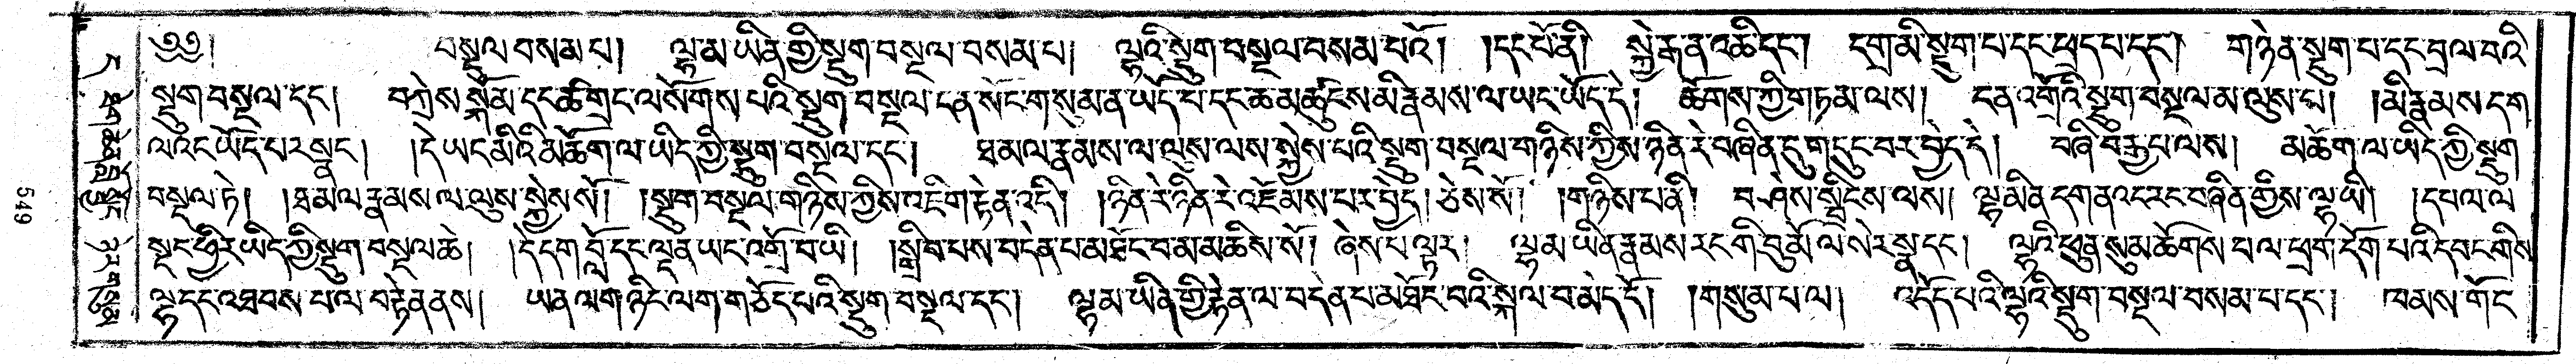༄༅། །བསྡུལ་བསམ་པ། ལྷ་མ་ཡིན་གྱི་སྡུག་བསྔལ་བསམ་པ། ལྷའི་སྡུག་བསྔལ་བསམ་པའོ། །དང་པོ་ནི། སྐྱེ་རྒ་ན་འཆི་དང་། དགྲ་མི་སྡུག་པ་དང་ཕྲད་པ་དང་། གཉེན་སྡུག་པ་དང་བྲལ་བའི་
སྡུག་བསྔལ་དང་། བཀྲེས་སྐོམ་དང་ཚ་གྲང་ལ་སོགས་པའི་སྡུག་བསྔལ་ངན་སོང་གསུམ་ན་ཡོད་པ་དང་ཆ་མཚུངས་མི་རྣམས་ལ་ཡང་ཡོད་དེ། ཆོགས་ཀྱི་གཏམ་ལས། ངན་འགྲོའི་སྡུག་བསྔལ་མ་ལུས་པ། །མི་རྣམས་དག་
ལའང་ཡོད་པར་སྣང་། །དེ་ཡང་མིའི་མཆོག་ལ་ཡིད་ཀྱི་སྡུག་བསྔལ་དང་། ཐ་མལ་རྣམས་ལ་ལུས་ལས་སྐྱེས་པའི་སྡུག་བསྔལ་གཉིས་ཀྱིས་ཉིན་རེ་བཞིན་དུ་གདུང་བར་བྱེད་དེ། བཞི་བརྒྱ་པ་ལས། མཆོག་ལ་ཡིད་ཀྱི་སྡུག་
བསྔལ་ཏེ། །ཐ་མལ་རྣམས་ལ་ལུས་སྐྱེས་སོ། །སྡུག་བསྔལ་གཉིས་ཀྱིས་འཇིག་རྟེན་འདི། །ཉིན་རེ་ཉིན་རེ་འཇོམས་པར་བྱེད། ཅེས་སོ། །གཉིས་པ་ནི། བཤེས་སྦྲིངས་ལས། ལྷ་མིན་དག་ནའང་རང་བཞིན་གྱིས་ལྷ་ཡི། །དཔལ་ལ་
སྡང་ཕྱིར་ཡིད་ཀྱི་སྡུག་བསྔལ་ཆེ། །དེ་དག་བློ་དང་ལྡན་ཡང་འགྲོ་བ་ཡི། །སྒྲིབ་པས་བདེན་པ་མཐོང་བ་མ་མཆིས་སོ། ཞེས་པ་ལྟར། ལྷ་མ་ཡིན་རྣམས་རང་གི་བུ་མོ་ལ་སེར་སྣ་དང་། ལྷའི་ཕུན་སུམ་ཚོགས་པ་ལ་ཕྲག་དོག་པའི་དབང་གིས་
ལྷ་དང་འཐབས་པ་ལ་བརྟེན་ནས། ཡན་ལག་ཉིད་ལག་གཅོད་པའི་སྡུག་བསྔལ་དང་། ལྷམ་ཡིན་གྱི་རྟེན་ལ་བདེན་པ་མཐོང་བའི་སྐལ་བ་མེད་དོ། །གསུམ་པ་ལ། འདོད་པའི་ལྷའི་སྡུག་བསྔལ་བསམ་པ་དང་། ཁམས་གོང་